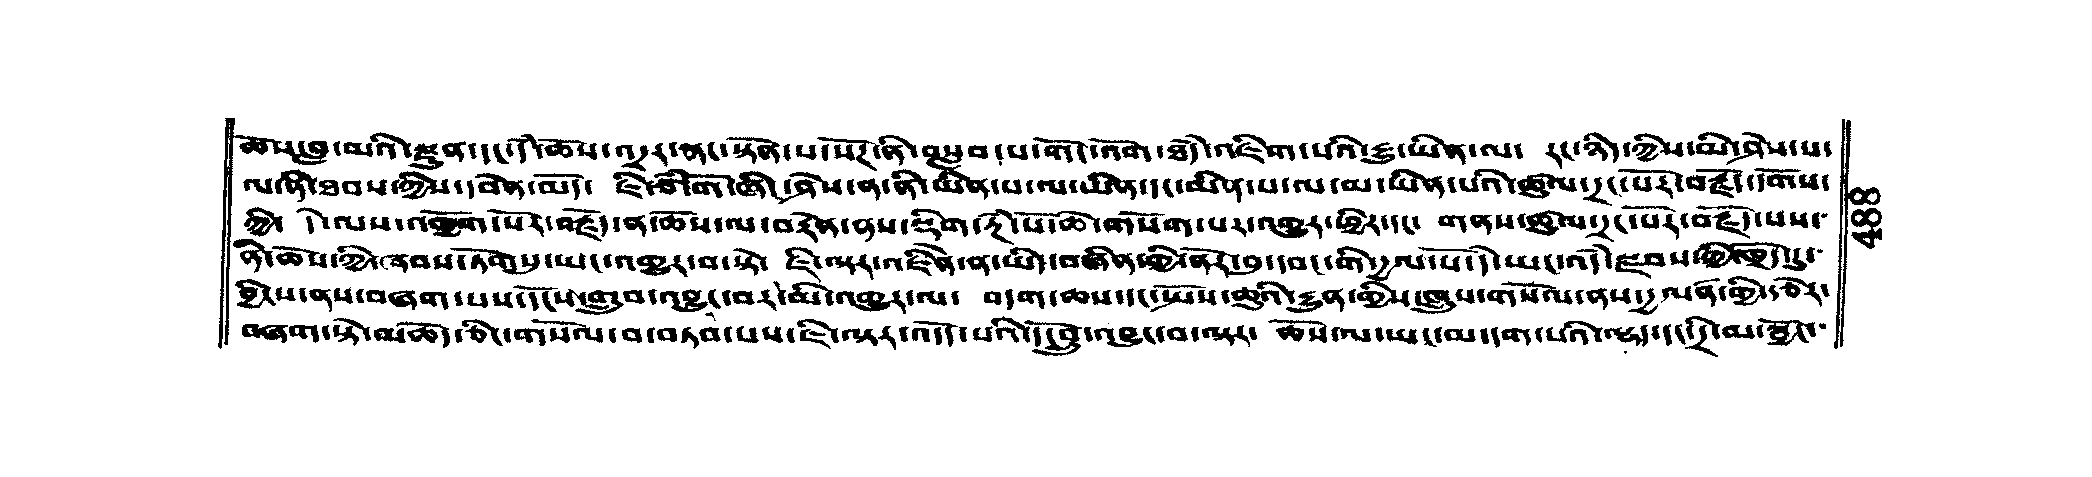ཆོས་བླ་མའི་རྫུན་དང་དམ་ཆོས་འདྲར་སྣང་སྟོན་པ་སོགས་ནི་བསླབ་པ་གོང་འོག་ཐམས་ཅད་འཇིག་པའི་རྒྱུ་ཡིན་ལ། རང་ཉིད་ཀྱིས་མི་ཤེས་པ་
ལ་ནི་ཐབས་ཀྱིས་དབེན་མོད། ཇི་ཙམ་གོ་ཞིང་ཤེས་ན་ནི་ཡིན་པ་ལ་ཡིན་དང་མིན་པ་ལ་མ་ཡིན་པའི་ཚུལ་དྲང་པོར་བརྗོད་དགོས་
ཀྱི། དེ་ལས་འཁྱོག་པོར་བརྗོད་ན་ཆོས་ལ་བརྟེན་ནས་སྡིག་རྔམ་པོ་ཆེ་གསོག་པར་འགྱུར་ཕྱིར་དང་། གནས་ཚུལ་དྲང་པོར་བརྗོད་པས་
ནི་ཆོས་ཀྱི་ཞབས་ཏོགས་སུ་ཡང་འགྱུར་བ་སྟེ། ཇི་ལྟར་འཇིག་རྟེན་ན་ཡིད་བཞིན་གྱི་ནོར་བུ་དབང་གི་རྒྱལ་པོ་དེ་ཡང་འདམ་རྫབ་ཀྱི་ཁྲོད་དུ་
བྱིངས་ནས་བཞག་པས་དངོས་གྲུབ་འབྱུང་བར་མི་འགྱུར་ལ། འདག་ཆས་དང་སྤོས་ཆུའི་རྒྱུན་གྱིས་ཁྲུས་གསོལ་ནས་རྒྱལ་མཚན་གྱི་རྩེར་
བཞག་སྟེ་མཆོད་ཅིང་གསོལ་བ་བཏབ་པས་ཇི་ལྟར་འདོད་པའི་དངོས་གྲུབ་འབྱུང་བ་ལྟར། ཆོས་ལ་ཡང་མ་དག་པའི་ལྷད་དང་དྲི་མ་སྦྱོང་